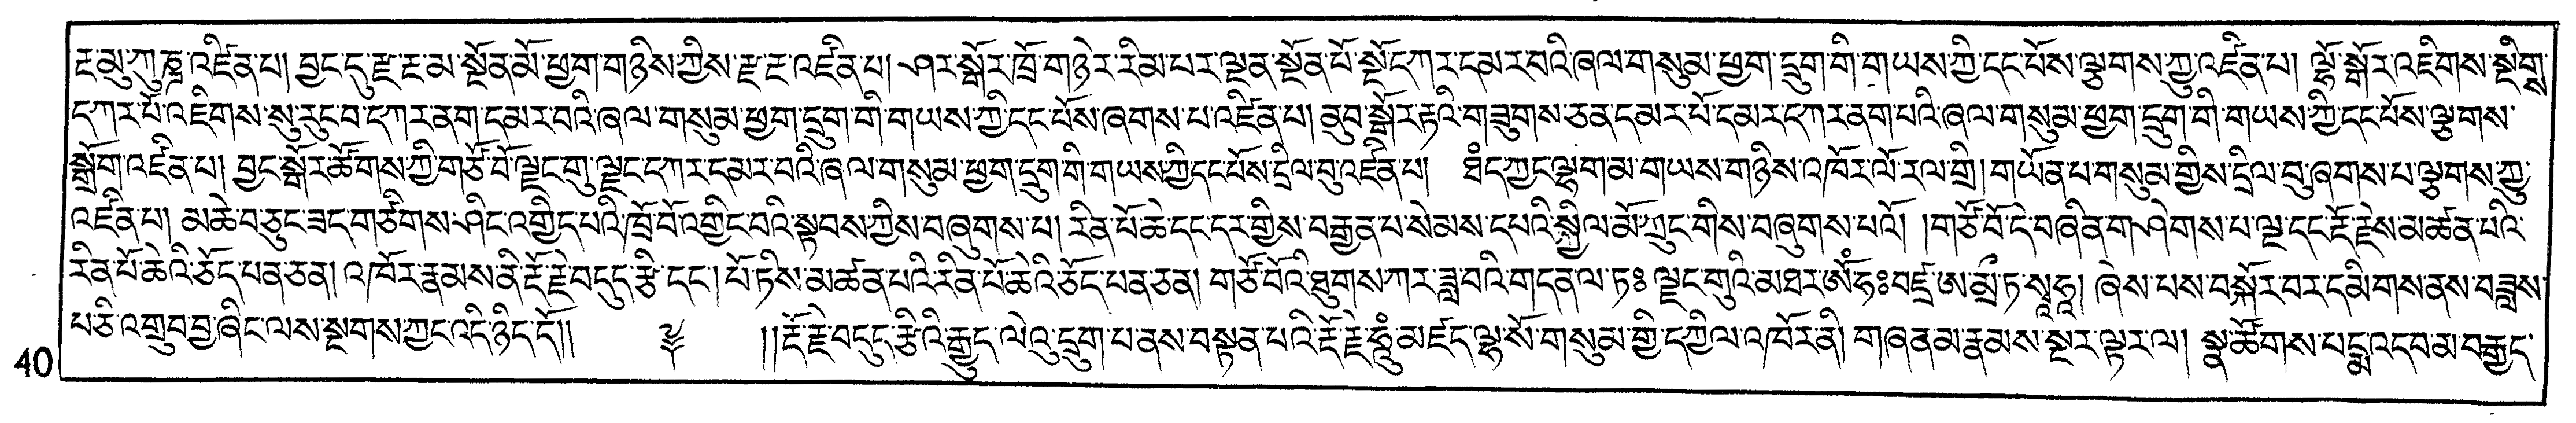རྔ་མུ་ཀུཎྜ་འཛིན་པ། བྱང་དུ་རྫ་རྔ་མ་སྔོན་མོ་ཕྱག་གཉིས་ཀྱིས་རྫ་རྔ་འཛིན་པ། ཤར་སྒོར་ཁྲོ་གཉེར་རིམ་པར་ལྡན་སྔོན་པོ་སྔོ་དཀར་དམར་བའི་ཞལ་གསུམ་ཕྱག་དྲུག་གི་གཡས་ཀྱི་དང་པོས་ལྕགས་ཀྱུ་འཛིན་པ། ལྷོ་སྒོར་འཇིགས་སྡིགས་
དཀར་པོ་འཇིགས་སུ་རུང་བ་དཀར་ནག་དམར་བའི་ཞལ་གསུམ་ཕྱག་དྲུག་གི་གཡས་ཀྱི་དང་པོས་ཞགས་པ་འཛིན་པ། ནུབ་སྒོར་རྟའི་གཟུགས་ཅན་དམར་པོ་དམར་དཀར་ནག་པའི་ཞལ་གསུམ་ཕྱག་དྲུག་གི་གཡས་ཀྱི་དང་པོས་ལྕགས་
སྒྲོག་འཛིན་པ། བྱང་སྒོར་ཚོགས་ཀྱི་གཙོ་བོ་ལྗང་གུ་ལྗང་དཀར་དམར་བའི་ཞལ་གསུམ་ཕྱག་དྲུག་གི་གཡས་ཀྱི་དང་པོས་དྲིལ་བུ་འཛིན་པ། ཐམས་ཅད་ཀྱང་ལྷག་མ་གཡས་གཉིས་འཁོར་ལོ་རལ་གྲི། གཡོན་པ་གསུམ་གྱིས་དྲིལ་བུ་ཞགས་པ་ལྕགས་ཀྱུ་
འཛིན་པ། མཆེ་བ་ཅུང་ཟད་གཙིགས་ཤིང་འགྱིད་པའི་ཁྲོ་བོ་འགྱིང་བའི་སྟབས་ཀྱིས་བཞུགས་པ། རིན་པོ་ཆེ་དང་དར་གྱིས་བརྒྱན་པ་སེམས་དཔའི་སྐྱིལ་མོ་ཀྲུང་གིས་བཞུགས་པའོ། །གཙོ་བོ་དེ་བཞིན་གཤེགས་པ་ལྔ་དང་རྡོ་རྗེས་མཚན་པའི་
རིན་པོ་ཆེའི་ཅོད་པན་ཅན། འཁོར་རྣམས་ནི་རྡོ་རྗེ་བདུད་རྩི་དང་། པོ་ཏིས་མཚན་པའི་རིན་པོ་ཆེའི་ཅོད་པན་ཅན། གཙོ་བོའི་ཐུགས་ཀར་ཟླ་བའི་གདན་ལ་ཏཿ ལྗང་གུའི་མཐར་ཨོཾ་ཧཿ བཛྲ་ཨ་མྲྀ་ཏ་སྭཱཧཱ། ཞེས་པས་བསྐོར་བར་དམིགས་ནས་བཟླས་
པ་ཅི་འགྲུབ་བྱ་ཞིང་ལས་སྔགས་ཀྱང་འདི་ཉིད་དོ།། ༈ །།རྡོ་རྗེ་བདུད་རྩིའི་རྒྱུད་ལེའུ་དྲུག་པ་ནས་བསྟན་པའི་རྡོ་རྗེ་ཧཱུཾ་མཛད་ལྷ་སོ་གསུམ་གྱི་དཀྱིལ་འཁོར་ནི། གཞན་མ་རྣམས་སྔར་ལྟར་ལ། སྣ་ཚོགས་པདམ་འདབ་མ་བརྒྱད་